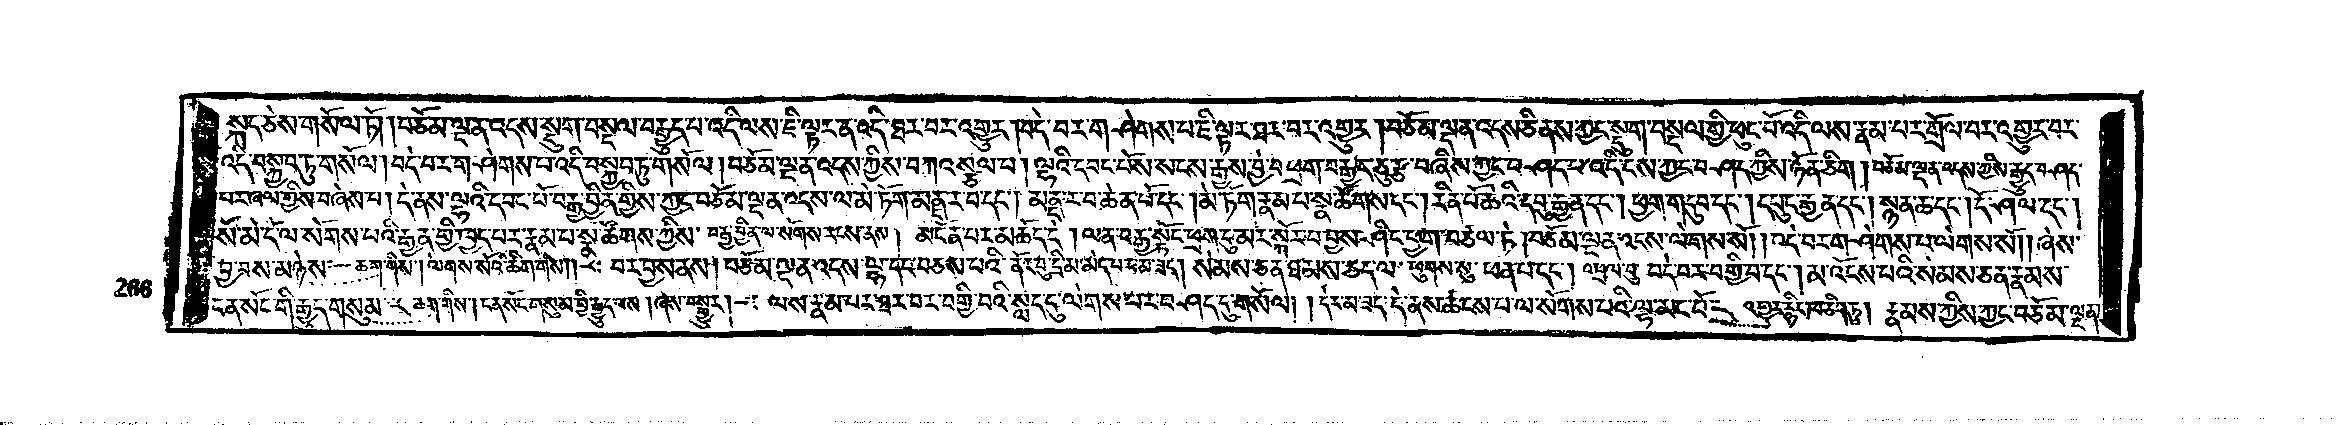སྐད་ཅེས་གསོལ་ཏོ། །བཅོམ་ལྡན་འདས་སྡུག་བསྔལ་བརྒྱུད་པ་འདི་ལས་ཇི་ལྟར་ན་འདི་ཐར་བར་འགྱུར། བདེ་བར་གཤེགས་པ་ཇི་ལྟར་ཐར་བར་འགྱུར། བཅོམ་ལྡན་འདས་ཅི་ནས་ཀྱང་སྡུག་བསྔལ་གྱི་ཕུང་པོ་འདི་ལས་རྣམ་པར་གྲོལ་བར་འགྱུར་བར་
འདི་བསྐྱབ་ཏུ་གསོལ། བདེ་བར་གཤེགས་པ་འདི་བསྐྱབ་ཏུ་གསོལ། བཅོམ་ལྡན་འདས་ཀྱིས་བཀའ་སྩལ་པ། ལྷའི་དབང་པོས་སངས་རྒྱས་བྱེ་བ་ཕྲག་བརྒྱད་ཅུ་རྩ་བཞིས་ཀྱང་བཤད་པ་འདི་ངས་ཀྱང་བཤད་ཀྱིས་ཉོན་ཅིག །བཅོམ་ལྡན་འདས་ཀྱིས་རྒྱུད་བཤད་
པར་ཞལ་གྱིས་བཞེས་པ། དེ་ནས་ལྷའི་དབང་པོ་བརྒྱ་བྱིན་གྱིས་ཀྱང་བཅོམ་ལྡན་འདས་ལ་མེ་ཏོག་མནྡ་ར་བ་དང་། མནྡ་ར་བ་ཆེན་པོ་དང་། མེ་ཏོག་རྣམ་པ་སྣ་ཚོགས་དང་། རིན་པོ་ཆེའི་དབུ་རྒྱན་དང་། ཕྱག་གདུབ་དང་། དཔུང་རྒྱན་དང་། སྙན་ཆ་དང་། དོ་ཤལ་དང་།
སོ་མེ་དི་ལ་སོགས་པའི་རྒྱན་གྱི་ཁྱད་པར་རྣམ་པ་སྣ་ཚོགས་ཀྱིས་བརྒྱ་བྱིན་ལ་སོགས་རངས་ནས།  མངོན་པར་མཆོད་དེ། ལན་བརྒྱ་སྟོང་ཕྲག་དུ་མར་སྐོར་བ་བྱས་ཤིང་ཕྱག་འཚལ་ཏེ། བཅོམ་ལྡན་འདས་ལེགས་སོ། །བདེ་བར་གཤེགས་པ་ལེགས་སོ། །ཞེས་
བྱ་བས་མཉེས་ཆག་གིས། ལེགས་སེའི་ཚིག་གིས། །བར་བྱས་ནས། བཅོམ་ལྡན་འདས་ལྷ་དང་བཅས་པའི་ནོར་བུ་དྲི་མ་མེད་པར་མ་ཟད།  སེམས་ཅན་ཐམས་ཅད་ལ་ཕུགས་སུ་ཕན་པ་དང་། འཕྲལ་དུ་བདེ་བར་བགྱི་བ་དང་། མ་འོངས་པའི་སེམས་ཅན་རྣམས་
ངན་སོང་གི་རྒྱུད་གསུམ་ཆག་གིས། ངན་སོང་གསུམ་གྱི་རྒྱུད་ལས། ཞེས་བསྒྱུར་ལས་རྣམ་པར་ཐར་བར་བྱི་བའི་སླད་དུ་ལེགས་པར་བཤད་དུ་གསོལ། །དེར་མ་ཟད་དེ་ནས་ཚངས་པ་ལ་སོགས་པའི་ལྟ་མང་པོ་འགྱུར་རྙིང་ཁ་ཅིག་ཏུ་རྣམས་ཀྱིས་ཀྱང་བཅོམ་ལྡན་